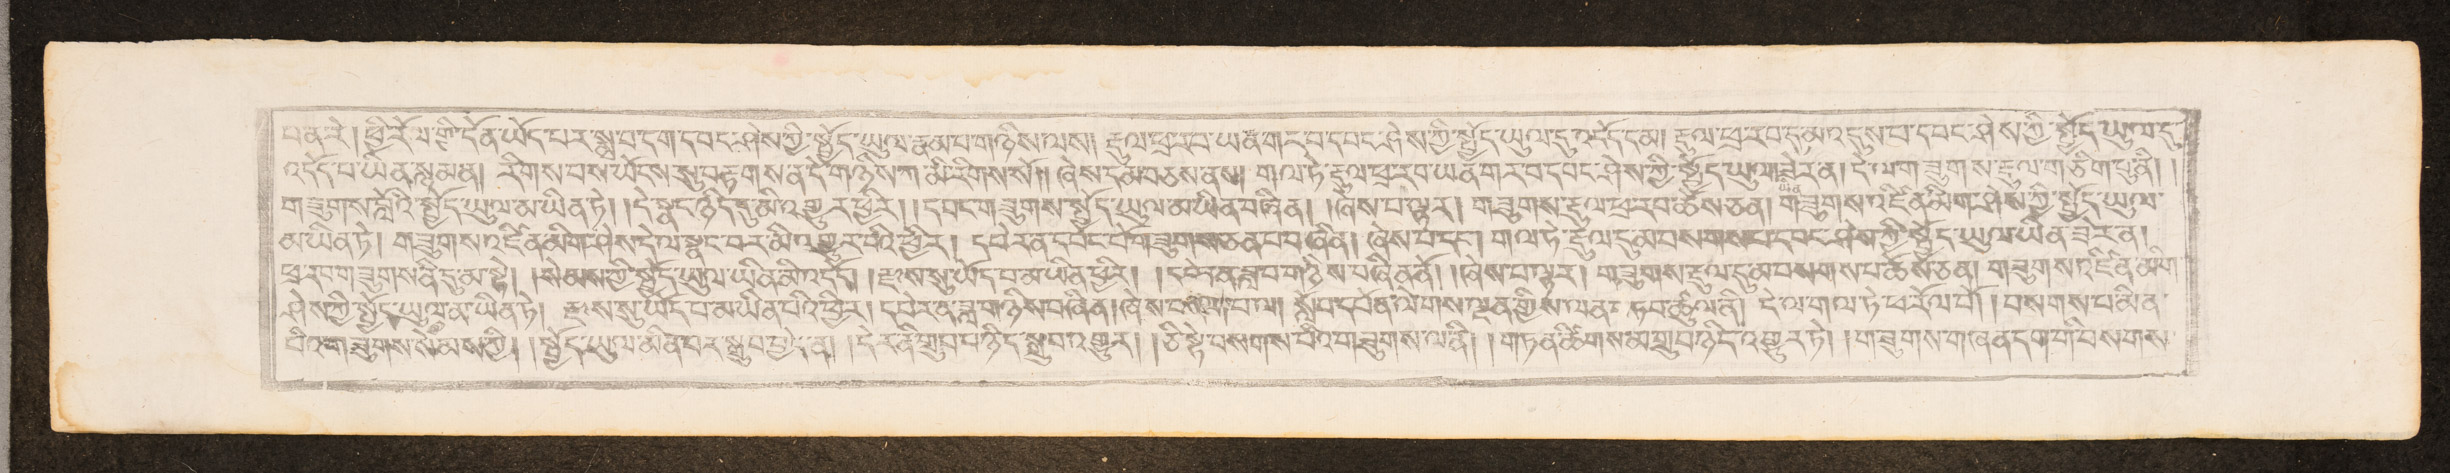པ་ན་རེ་། ཕྱི་རོལ་གྱི་དོན་ཡོད་པར་སྨྲ་བ་དག་དབང་ཤེས་ཀྱི་སྤྱོད་ཡུལ་རྣམ་པ་གཉིས་ལས། རྡུལ་ཕྲ་རབ་ཡན་གར་བ་དབང་ཤེས་ཀྱི་སྤྱོད་ཡུལ་དུ་འདོད་དམ། རྡུལ་ཕྲ་རབ་དུ་མ་འདུས་པ་དབང་ཤེས་ཀྱི་སྤྱོད་ཡུལ་དུ་
འདོད་པ་ཡིན་སྙམ་ན། རིགས་པས་ཡོངས་སུ་བརྟགས་ན་དེ་གཉིས་ཀ་མི་རིགས་སོ།། ཞེས་དམ་བཅས་ནས། གལ་ཏེ་རྡུལ་ཕྲ་རབ་ཡན་གར་བ་དབང་ཤེས་ཀྱི་སྤྱོད་ཡུལ་ཡིན་ཟེར་ན། དེ་ལ་གཟུགས་རྡུལ་གཅིག་བུ་ནི། །
གཟུགས་བློའི་སྤྱོད་ཡུལ་མ་ཡིན་ཏེ། །དེ་སྣང་ཉིད་དུ་མི་འགྱུར་ཕྱིར། །དབང་གཟུགས་སྤྱོད་ཡུལ་མ་ཡིན་བཞིན། །ཞེས་པ་ལྟར། གཟུགས་རྡུལ་ཕྲ་རབ་ཆོས་ཅན། གཟུགས་འཛིན་མིག་ཤེས་ཀྱི་སྤྱོད་ཡུལ་
མ་ཡིན་ཏེ། གཟུགས་འཛིན་མིག་ཤེས་དེ་ལ་སྣང་བར་མི་འགྱུར་བའི་ཕྱིར། དཔེར་ན་དབང་པོ་གཟུགས་ཅན་པ་བཞིན། ཞེས་པ་དང་། གལ་ཏེ་རྡུལ་དུ་མ་བསགས་པ་དབང་ཤེས་ཀྱི་སྤྱོད་ཡུལ་ཡིན་ཟེར་ན།
ཕྲ་རབ་གཟུགས་ནི་དུ་མ་སྟེ། །སེམས་ཀྱི་སྤྱོད་ཡུལ་ཡིན་མི་འདོད། །རྫས་སུ་ཡོད་པ་མ་ཡིན་ཕྱིར། །དཔེར་ན་ཟླ་བ་གཉིས་བཞིན་ནོ། །ཞེས་པ་ལྟར། གཟུགས་རྡུལ་དུ་མ་བསགས་པ་ཆོས་ཅན། གཟུགས་འཛིན་མིག་
ཤེས་ཀྱི་སྤྱོད་ཡུལ་མ་ཡིན་ཏེ། རྫས་སུ་ཡོད་པ་མ་ཡིན་པའི་ཕྱིར། དཔེར་ན་ཟླ་གཉིས་བཞིན། ཞེས་བཀག་པ་ལ། སློབ་དཔོན་ལེགས་ལྡན་གྱིས་ལན་བཏབ་ཚུལ་ནི། དེ་ལ་གལ་ཏེ་ཕ་རོལ་བོ། །བསགས་བ་མིན་
པའི་གཟུགས་སེམས་ཀྱི། །སྤྱོད་ཡུལ་མིན་པར་སྒྲུབ་བྱེད་ན། །དེར་ནི་གྲུབ་པ་ཉིད་སྒྲུབ་འགྱུར། །ཅི་སྟེ་བསགས་པའི་གཟུགས་ལ་ནི། །གཏན་ཚིགས་མ་གྲུབ་ཉིད་འགྱུར་ཏེ། །གཟུགས་གཞན་དག་གི་བསགས་